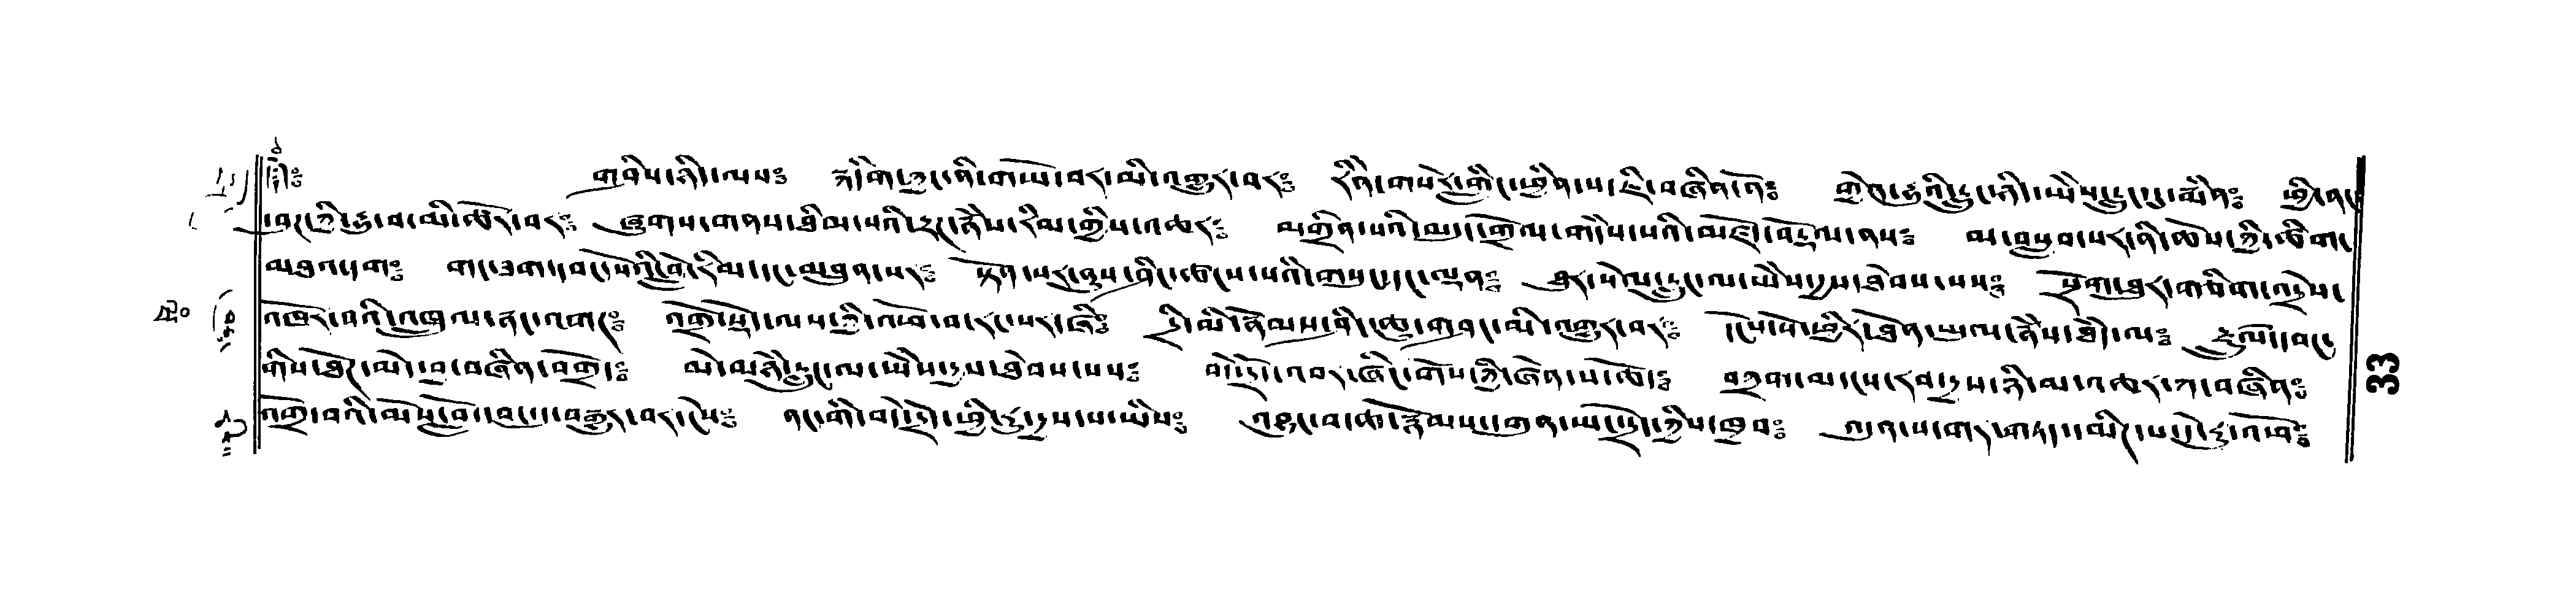གཤིས་ཉིད་ལས༔ སྐད་ཅིག་ཀྱང་ནི་གཡོ་བར་མི་འགྱུར་བར༔ རིན་ཆེན་གསེར་གླིང་ཕྱིན་པ་ཇི་བཞིན་ནོ༔ གྱེན་རྒྱུའི་རླུང་ཉིད་ཡེ་ཤེས་རླུང་དུ་སྨིན༔ ཕྱི་ནང་
དབུགས་ཀྱི་རྒྱུ་བ་མི་ཚོར་བར༔ ཞུགས་གནས་ཐིམ་པའི་རྟགས་རྣམས་རིམ་གྱིས་འཆར༔ མགྲིན་པའི་མདུད་གྲོལ་གདམས་པའི་མཛོད་བརྡོལ་ནས༔ མ་བསླབ་པར་ནི་ཆོས་ཀྱི་ཚིག་
མཐའ་དག༔གང་ཟག་དབང་པོའི་བློ་རིམ་དང་མཐུན་པར༔ སྟོན་པར་ནུས་ཤིང་ཚངས་པའི་གསུང་དང་ལྡན༔ ཐུར་སེལ་རླུང་ལ་ཡེ་ཤེས་རྒྱས་ཐེབས་པས༔ སྲོག་ཐུར་གཅིག་འདྲེས་
འཁོར་བའི་འཁྲུལ་སྣང་འགགས༔ འགྲོ་སྡོད་ལས་ཀྱི་འཕོ་བ་རང་སར་ཞི༔ དྲི་མི་སྣོམས་ཤིང་ཆུ་བཤང་མི་འགྱུར་བར༔ དངོས་པོ་ཕྱིར་ཐོན་ཡུལ་རྣམས་ཐམས་ཅད་ལ༔ རྫུ་འཕྲུལ་དབང་
གིས་ཐོགས་མེད་བྱ་བཞིན་བགྲོད༔ མེ་མཉམ་རླུང་ལ་ཡེ་ཤེས་རྒྱས་ཐེབས་པས༔ བདེ་དྲོད་འབར་ཞིང་གོས་ཀྱི་ཞེན་པ་ཆོད༔ བཀྲག་མདངས་རབ་རྒྱས་ཉི་མ་འཆར་ཀ་བཞིན༔ 
འགྲོ་བའི་མོས་བློ་དབང་དུ་བསྒྱུར་བར་ངེས༔ ནང་གི་བདེ་དྲོད་ཕྱི་རུ་རྒྱས་པ་ཡིས༔ འབྱུང་བ་ཆ་སྙོམས་དགུན་ཡང་དྲོད་ཀྱིས་ཁྱབ༔ འདུན་པ་གར་གཏད་དམིགས་པ་དེ་རུ་འཕོ༔